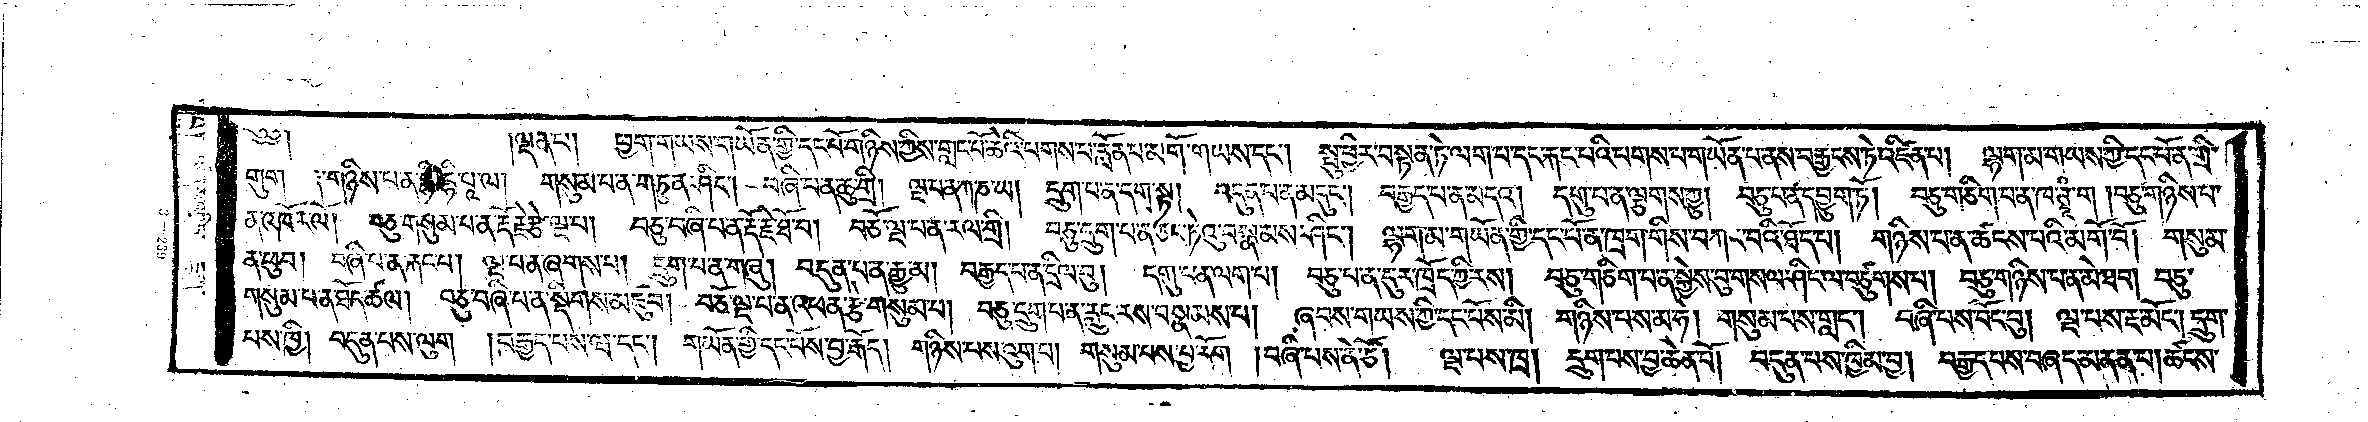༄༅། །ལྡན་པ། ཕྱག་གཡས་གཡོན་གྱི་དང་པོ་གཉིས་ཀྱིས་གླང་པོ་ཆེའི་པགས་པ་རློན་པ་མགོ་གཡས་དང་། སྤུ་ཕྱིར་བསྟན་ཏེ་ལག་པ་དང་རྐང་པའི་པགས་པ་གཡོན་པ་ནས་བརྒྱངས་ཏེ་འཛིན་པ། ལྷག་མ་གཡས་ཀྱི་དང་བོ་ན་གྲི་
གུག ༑གཉིས་པ་ན་དྷི་དྷཾ་པཱ་ལ། གསུམ་པ་ན་གཏུན་ཤིང་། བཞི་པན་ཆུ་གྲི། ལྔ་པན་ཀ་ཎ་ཡ། དྲུག་པ་ན་དག་སྟ། བདུན་པ་ན་མདུང་། བརྒྱད་པ་ན་མདའ། དགུ་པ་ན་ལྕགས་ཀྱུ། བཅུ་པ་ན་དབྱུག་ཏོ། བཅུ་གཅིག་པ་ན་ཁ་ཏཱཾ་ག །བཅུ་གཉིས་པ་
ན་འཁོར་ལོ། བཅུ་གསུམ་པ་ན་རྡོ་རྗེ་རྩེ་ལྔ་པ། བཅུ་བཞི་པ་ན་རྡོ་རྗེ་ཐོ་བ། བཅོ་ལྔ་པ་ན་རལ་གྲི། བཅུ་དྲུག་པ་ན་ཅང་ཏེའུ་བསྣམས་ཤིང་། ལྷག་མ་གཡོན་གྱི་དང་པོ་ན་ཁྲག་གིས་བཀང་པའི་ཐོད་པ། གཉིས་པ་ན་ཚངས་པའི་མགོ་བོ། གསུམ་
ན་ཕུབ། བཞི་པ་ན་རྐང་པ། ལྔ་པན་ཞགས་པ། དྲུག་པ་ན་གཞུ། བདུན་པ་ན་རྒྱུ་མ། བརྒྱད་པ་ན་དྲིལ་བུ། དགུ་པ་ན་ལག་པ། བཅུ་པ་ན་དུར་ཁྲོད་ཀྱི་རས། བཅུ་གཅིག་པ་ན་སྐྱེས་བུ་གསལ་ཤིང་ལ་བཙུགས་པ། བཅུ་གཉིས་པ་ན་མེ་ཐབ། བཅུ་
གསུམ་པ་ན་ཐོད་ཚལ། བཅུ་བཞི་པ་ན་སྡིགས་མཛུབ། བཅོ་ལྔ་པ་ན་འཕན་རྩེ་གསུམ་པ། བཅུ་དྲུག་པ་ན་རླུང་རས་བསྣམས་པ། ཞབས་གཡས་ཀྱི་དང་པོས་མི། གཉིས་པས་མ་ཧེ། གསུམ་པས་གླང་། བཞི་པས་བོང་བུ། ལྔ་པས་རྔ་མོང་། དྲུག་
པས་ཁྱི། བདུན་པས་ལུག །བརྒྱད་པས་ཝ་དང་། གཡོན་གྱི་དང་པོས་བྱ་རྒོད། གཉིས་པས་འུག་པ། གསུམ་པས་བྱ་རོག །བཞི་པས་ནེ་ཙོ། ལྔ་པས་ཁྲ། དྲུག་པས་བྱ་ཆེན་པོ། བདུན་པས་ཁྱིམ་བྱ། བརྒྱད་པས་བཞད་མནན་པ། ཚངས་